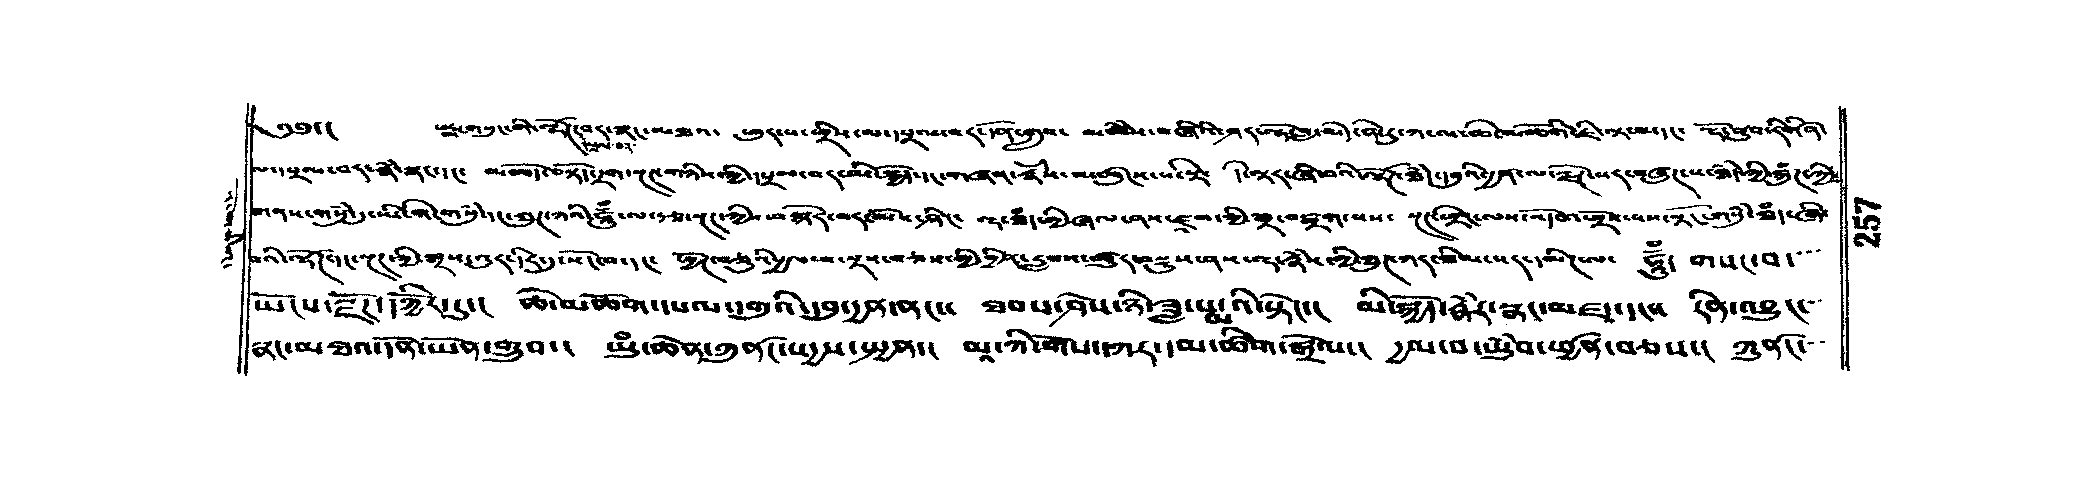བར་རྣམ་སྣང་། པདྨ་གསུང་གསུང་གི་ལྷ་ཚོགས་དཔྲལ་བར་སྣང་མཐའ། ཕུར་པ་ཕྲིན་ལས་ལ་དཔྲལ་བར་དོན་གྲུབ། མཚམས་བཞིའི་ཤར་ལྷོ་བླ་མེད་ཧེ་རུ་ཀལ་ཆེ་མཆོག་ཇི་ལྟ་བ་དང་། ལྷོ་ནུབ་རིག་འཛིན་
ལ་དཔྲལ་བར་རྣམ་སྣང་དང་། མཆོདབསྟོད་དྲག་སྔགས་གཉིས་ཀྱི་དཔྲལ་བར་མི་བསྐྱོད་དང་གཞན་རྣམས་མཚུངས་པ་སྟེ། དེ་ལྟར་ཞི་བའི་ལྷ་ཚོགས་ཐམས་ཅད་དབུའི་རྒྱན་ལ་རྫོགས་པར་བཞུགས་པ་ཐམས་ཅད་ཀྱི་སྐུ་གསུང་ཐུགས་ཀྱི་
གནས་གསུམ་དུ་ཡི་གེ་གསུམ་དང་ཐུགས་ཀའི་ཧཱུྃ་ལ་རྩ་སྔགས་ཀྱི་བསྐོར་བར་མོས་ཤིང་། ལྷ་ཐམས་ཅད་ཀྱི་ཞལ་ནས་འཛབ་ཀྱི་སྒྲ་བསྒྲག་པས། སྔགས་ཕྲེང་ལས་འོད་ཟེརའཕྲོས་པས་སྟོང་གསུམ་ཐམས་ཅད་ཞི་
བའི་ལྷ་ཚོགས་དང་སྔགས་ཀྱི་སྒྲས་ཧུར་དིར་དུ་སོང་བ་དང་། ཕྱོགས་བཅུའི་རྒྱལ་བ་སྲས་བཅས་ཀྱི་བྱིན་རླབས་ཚུར་བསྡུས་ནས་ལྷ་རྣམས་ཀྱི་ཐུགས་ཀར་ཐིམ་པར་དམིགས་ལ། ཧཱུྃ། གསང་བ་
ཡོངས་རྫོགས་དཀྱིལ་འཁོར་དུ། །ཚེ་མཆོག་དཔལ་དགུའི་དབུ་རྒྱན་ནང་། །ཐབས་ཤེས་ཉི་ཟླ་པདྨའི་སྟེང་། །མི་སྐྱོད་རྣམ་པར་སྣང་མཛད་དང་། །རིན་འབྱུང་
སྣང་མཐའ་དོན་ཡོདགྲུབ། །ཡུམ་ཆེན་ཀུནབཟང་སངས་རྒྱས་སྤྱན། །མཱ་ཀི་གོས་དཀར་དམ་ཚིག་སྒྲོལ།། རྒྱལ་བ་ཡབ་ཡུམ་ཕྱག་མཚན་བཅས། །ཀུན་བཟང་